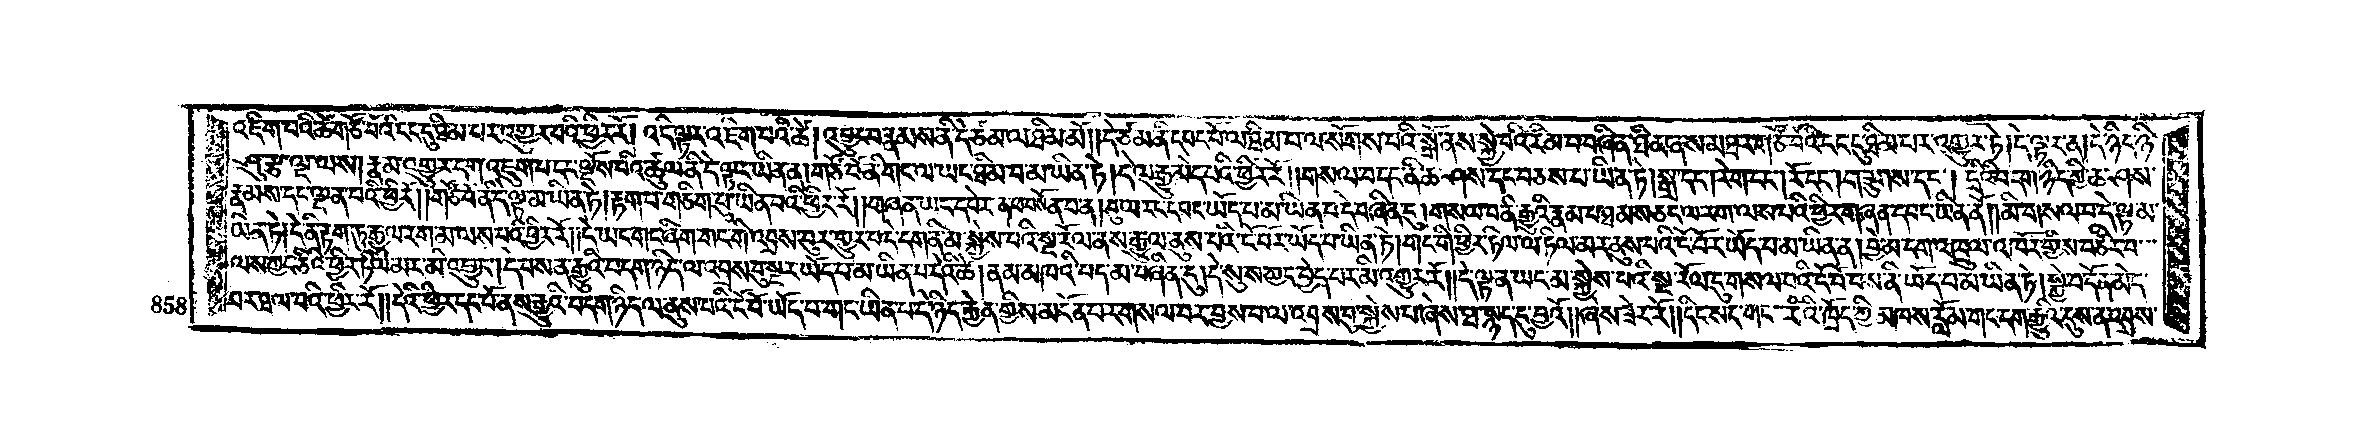འཇིག་པའི་ཚེ་གཙོ་བོའི་ངང་དུ་ཐིམ་པར་འགྱུར་བའི་ཕྱིར་རོ། འདི་ལྟར་འཇིག་པའི་ཚེ། འབྱུང་བ་རྣམས་ནི་དེ་ཙམ་ལ་ཐིམ་མོ། །དེ་ཙམ་ནི་དབང་པོ་ལ་ཐིམ་པ་ལ་སོགས་པའི་སྒོ་ནས་སྐྱེ་བའི་རིམ་པ་བཞིན་ཐིམ་ནས་མཐར་གཙོ་བོའི་ངང་དུ་ཐིམ་པར་འགྱུར་ཏེ། དེ་ལྟར་ན། དེ་ཉིད་ཉི་
ཤུ་རྩ་ལྔ་ལས། རྣམ་འགྱུར་དག་འཇུག་པ་དང་ལྡོས་པའི་ཚུལ་ནི་དེ་ལྟར་ཡིན་ན། གཙོ་བོ་ནི་གང་ལ་ཡང་ཐིམ་པ་མ་ཡིན་ཏེ། དེ་ལ་རྒྱུ་མེད་པའི་ཕྱིར་རོ། །གསལ་བ་དང་ནི་ཆ་ཤས་དང་བཅས་པ་ཡིན་ཏེ། སྒྲ་དང་། རེག་དང་། རོ་དང་། གཟུགས་དང་། དྲིའི་བདག་ཉིད་ཀྱི་ཆ་ཤས་
རྣམས་དང་ལྡན་པའི་ཕྱིར་རོ། །གཙོ་བོ་ནི་དེ་ལྟ་མ་ཡིན་ཏེ། རྟག་པ་གཅིག་པུ་ཡིན་པའི་ཕྱིར་རོ། །གཞན་ཡང་དཔེར་ན་ཕ་བསོན་པ་ན། བུ་ལ་རང་དབང་ཡོད་པ་མ་ཡིན་པ་དེ་བཞིན་དུ། གསལ་བ་ནི་རྒྱུའི་རྣམ་པ་ཐམས་ཅད་ལ་རག་ལས་པའི་ཕྱིར་གཞན་དབང་ཡིན་ནོ། །མི་གསལ་བ་དེ་ལྟ་མ་ཡིན་ཏེ། དེ་ནི་རྟག་ཏུ་རྒྱུ་ལ་རག་མ་ལས་པའི་ཕྱིར་རོ། །དེ་ཡང་གང་ཞིག་གང་གི་འབྲས་བུར་གྱུར་པ་དེ་དག་ནི་མ་སྐྱེས་པའི་སྔ་རོལ་ནས་རྒྱུ་ལ་ནུས་པའི་ངོ་བོར་ཡོད་པ་ཡིན་ཏེ། གང་གི་ཕྱིར་ཏིལ་ལ་ཏིལ་མར་ནུས་པའི་ངོ་བོར་ཡོད་པ་མ་ཡིན་ན། བྱེ་མ་དག་འཁྲུལ་འཁོར་གྱིས་བརྩིར་བ་
ལས་ཀྱང་ཅིའི་ཕྱིར་ཏིལ་མར་མི་འབྱུང་། དེ་བས་ན་རྒྱུའི་བདག་ཉིད་ལ་འབྲས་བུ་སྔར་ཡོད་པ་མ་ཡིན་པ་དེའི་ཚེ། ནམ་མཁའི་པད་མ་བཞིན་དུ། དེ་སུས་ཀྱང་བྱེད་པར་མི་འགྱུར་རོ། །དེ་ལྟ་ན་ཡང་མ་སྐྱེས་པའི་སྔ་རོལ་དུ་གསལ་བའི་ངོ་བོ་བས་ནི་ཡོད་པ་མ་ཡིན་ཏེ། སྐྱེ་བ་དོན་མེད་
པར་ཐལ་བའི་ཕྱིར་རོ། །དེའི་ཕྱིར་དང་པོ་ནས་རྒྱུའི་བདག་ཉིད་ལ་ནུས་པའི་ངོ་བོ་ཡོད་པ་གང་ཡིན་པ་དེ་ཉིད་རྐྱེན་གྱིས་མངོན་པར་གསལ་བར་བྱས་པ་ལ་འབྲས་བུ་སྐྱེས་པ་ཞེས་ཐ་སྙད་དུ་བྱའོ། །ཞེས་ཟེར་རོ། །དིང་སང་གང་རིའི་ཁྲོད་ཀྱི་མཁས་རློམ་གང་དག་རྒྱུའི་དུས་ན་འབྲས་